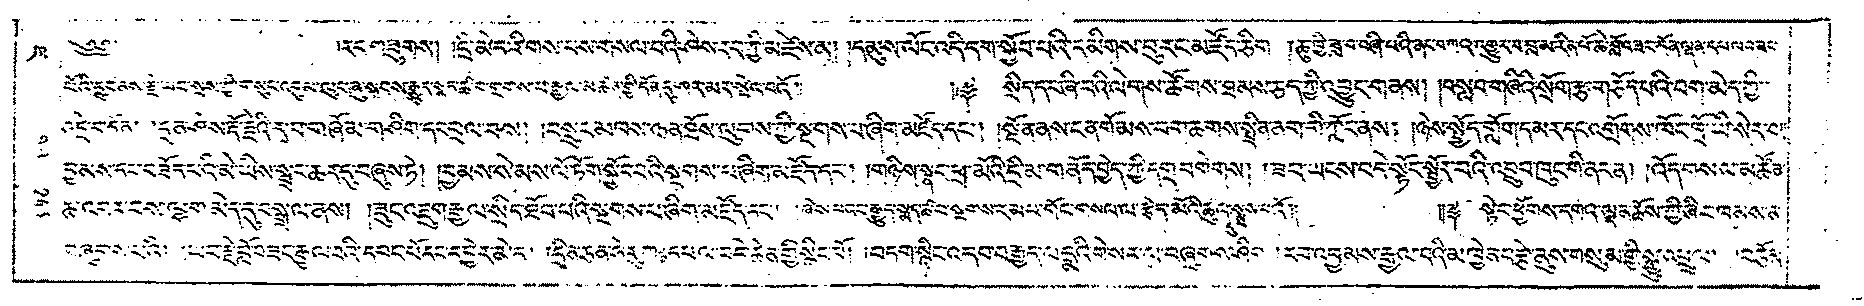༄༅། །རང་གཟུགས། །དྲི་མེད་རིགས་པས་གསལ་བའི་ཤེས་རབ་ཀྱི་མཛེས་མ། །དམུས་ལོང་འདི་དག་སྐྱོབ་པའི་དམིགས་བུ་རང་མཛོད་ཅིག །ཆུ་ཁྱི་ཟླ་བ་བཞི་པའི་ནང་བཀའ་འགྱུར་བ་བླ་མ་རིན་པོ་ཆེ་བློ་བཟང་དོན་ལྡན་དཔལ་བཟང་
པོའི་དྲུང་ནས་རྗེ་ཡབ་སྲས་ཀྱི་གསུང་འབུམ་ལུང་ཞུ་སྐབས་རྒྱུད་སྨད་ཚ་བ་གྲགས་པ་རྒྱལ་མཚན་གྱི་དོན་དུ་ཤར་མར་སྤེལ་བའོ།། །། ༈ སྲིད་དང་ཞི་བའི་ལེགས་ཚོགས་ཐམས་ཅད་ཀྱི་འབྱུང་གནས། །བསླབ་གཞིའི་སྲོག་རྩ་གཅོད་པའི་བག་མེད་ཀྱི་
འདྲེ་གདོན། །དྲན་ཤེས་རྡོ་རྗེའི་རྭ་བ་གཞོམ་གཤིག་དང་བྲལ་བས། །བསྲུང་མཁས་ཉན་ཐོས་ལུགས་ཀྱི་སྔགས་པ་ཞིག་མཛོད་དང་། །སྔོན་ནས་ངན་གོམས་བག་ཆགས་སྤྲིན་ནག་གི་ཀློང་ནས། །ཉེས་སྤྱོད་གློག་དམར་དང་འགྲོགས་ཁོང་ཁྲོ་ཡི་སེར་བ། །
བྱམས་དང་བཟོད་པའི་མེ་ཡིས་སྦྲང་ཆར་དུ་བཞུས་ཏེ། །བྱམས་སེམས་ལོ་ཏོག་སྐྱོང་བའི་སྔགས་པ་ཞིག་མཛོད་དང་། །གཉིས་སྣང་ཕྲ་མོའི་དྲི་མ་གནོད་བྱེད་ཀྱི་དགྲ་བགེགས། །ཟབ་ཡངས་བདེ་སྟོང་སྦྱོར་བའི་འབྲུབ་ཁུང་གི་ནང་ན། །འོད་གསལ་མཚོན་
ཆ་འབར་བས་ལྷག་མེད་དུ་བསྒྲལ་ནས། །ཟུང་འཇུག་རྒྱལ་སྲིད་ཐོབ་པའི་སྔགས་པ་ཞིག་མཛོད་དང་། ། ཞེས་པའང་རྒྱུད་སྨད་ཚ་བ་སྔགས་རམ་པ་གོང་གསལ་ལ་རྩེད་མོའི་ཚུལ་དུ་སྨྲས་པའོ།།  །། ༈ སྟེང་ཕྱོགས་དགའ་ལྡན་ཆོས་ཀྱི་ཞིང་ཁམས་ན་
བཞུགས་པའི། །ཡབ་རྗེ་བློ་བཟང་རྒྱལ་བའི་དབང་པོ་དང་དབྱེར་མེད། །དྲིན་ཅན་ཧེ་རུ་ཀཿ དཔལ་བདེ་ཆེན་གྱི་སྙིང་པོ། །བདག་སྙིང་འདབ་བརྒྱད་པདམའི་གེ་སར་ལ་བཞུགས་ཤིག །རབ་འབྱམས་རྒྱལ་བའི་མཁྱེན་བརྩེ་ནུས་གསུམ་གྱི་སྒྱུ་འཕྲུལ། །བཅོམ་